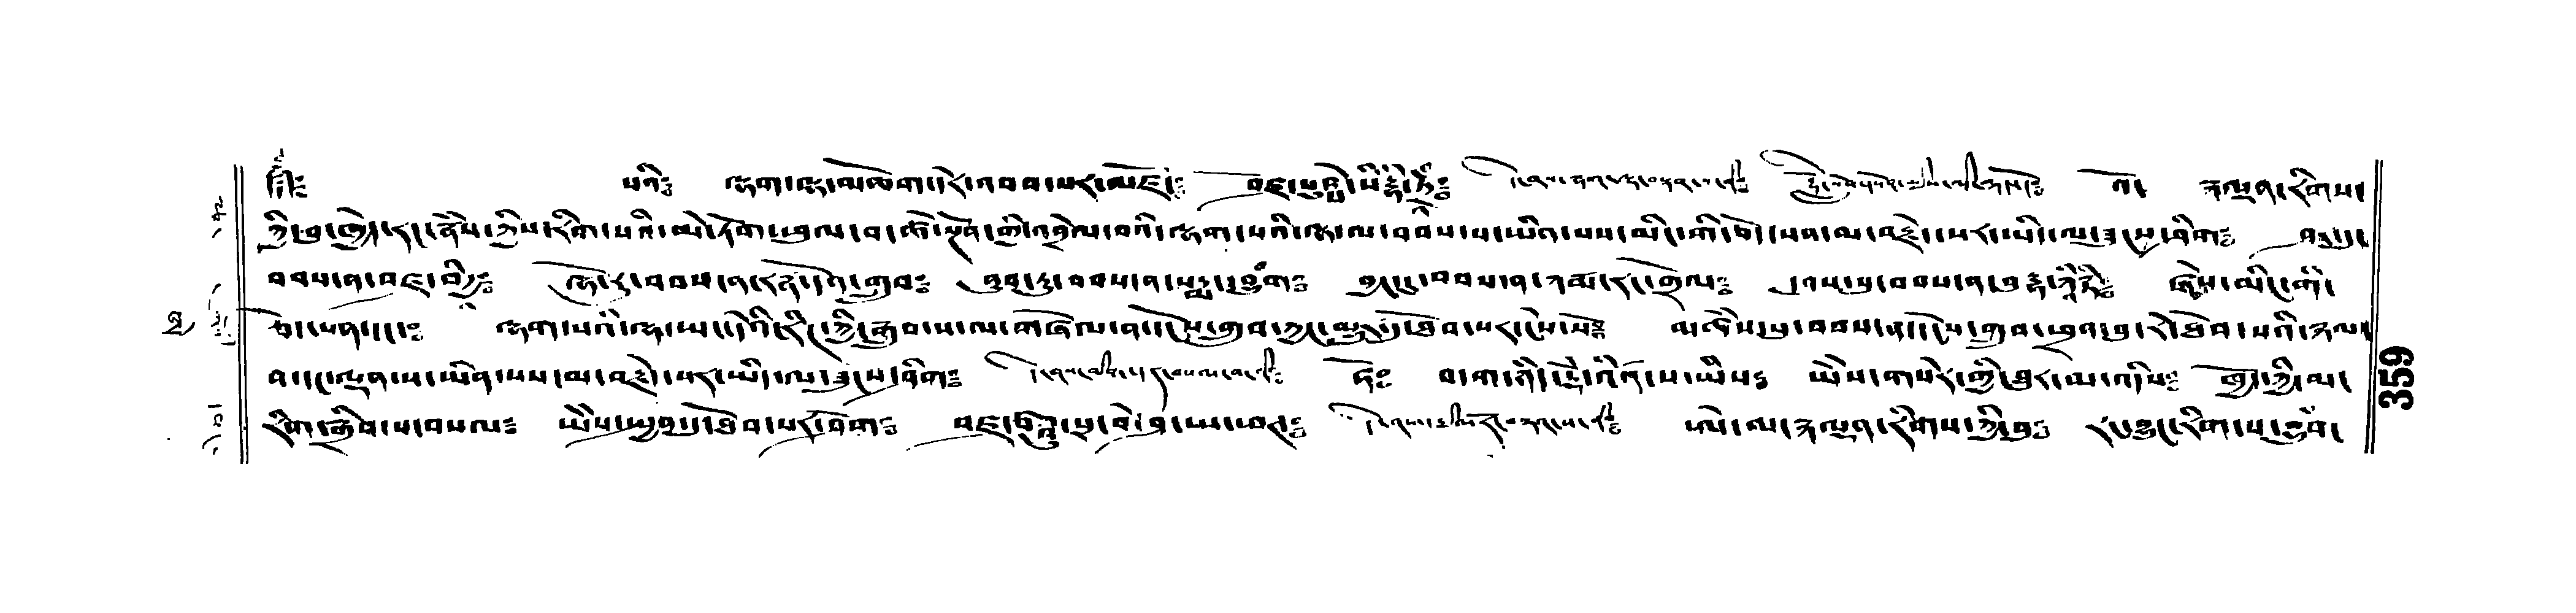པའི༔ ལྷག་ལྷ་མཆོག་དེར་འབབ་པར་མཛོད༔ བཛྲ་པུཥྤེ་སིདྡྷི་ཏྲཱྃ༔ དེ་ནས་ལྷག་ལྷ་བསྟན་པ་ནི༔ རྡོ་རྗེ་སློབ་དཔོན་གྱིས་འདི་སྐད་དོ༔ འོ༔ སྐལ་ལྡན་རིགས་
ཀྱི་བུ་ཁྱེད་རང་རྣམས་ཀྱིས་རིག་པའི་མེ་ཏོག་ཕུལ་བ་ཚེ་སྔོན་གྱི་འབྲེལ་བའི་ལྷག་པའི་ལྷ་ལ་བབས་པ་ཡིན་པས་མིང་གི་ཅོད་པན་མ་བརྗེད་པར་ཡིད་ལ་ཟུངས་ཤིག༔ ཤར་དུ་
བབས་ན་བཛྲ་བིདྱཱ༔ ལྷོ་རུ་བབས་ན་རཏྣ་དོན་གྲུབ༔ ནུབ་ཏུ་བབས་ན་པདྨ་དབང་ཕྱུག༔བྱང་དུ་བབས་ན་ཀརྨ་རང་གྲོལ༔ དབུས་སུ་བབས་ན་བུདྡྷ་ཀཱིརྟི༔ ཞེས་མིང་གི་
ཅོད་པན་དང༔ ལྷག་པའི་ལྷ་ཡང་དེའི་རིགས་ཀྱི་སྒྲུབ་པ་ལ་གཞོལ་ན་དངོས་གྲུབ་ཀྱང་མྱུར་དུ་ཐོབ་པར་ངེས་སོ༔ མཚམས་སུ་བབས་ན་དངོས་གྲུབ་ཕྲན་བུ་རེ་ཐོབ་པའི་སྐལ་
བ་དང་ལྡན་པ་ཡིན་པར་མ་བརྗེད་པར་ཡིད་ལ་ཟུངས་ཤིག༔ དེ་ནས་མིག་དར་བསལ་བ་ནི༔ ཧོཿ བདག་ཉིད་རྡོ་རྗེ་འཛིན་པ་ཡིས༔ ཡེ་ཤེས་གསེར་གྱི་ཐུར་མ་འདིས༔ ཁྱོད་ཀྱི་མ་
རིག་སྒྲིབ་པ་བསལ༔ ཡེ་ཤེས་སྤྱན་དུ་ཐོབ་པར་ཤོག༔ བཛྲ་ཙ་ཀྵུ་པྲ་བེ་ཤ་ཡ་ཕཊ༔ དེ་ནས་དཀྱིལ་འཁོར་བསྟན་པ་ནི༔ ཨེ་མ་སྐལ་ལྡན་རིགས་ཀྱི་བུ༔ རང་བྱུང་རིག་པ་བྱང་ཆུབ་